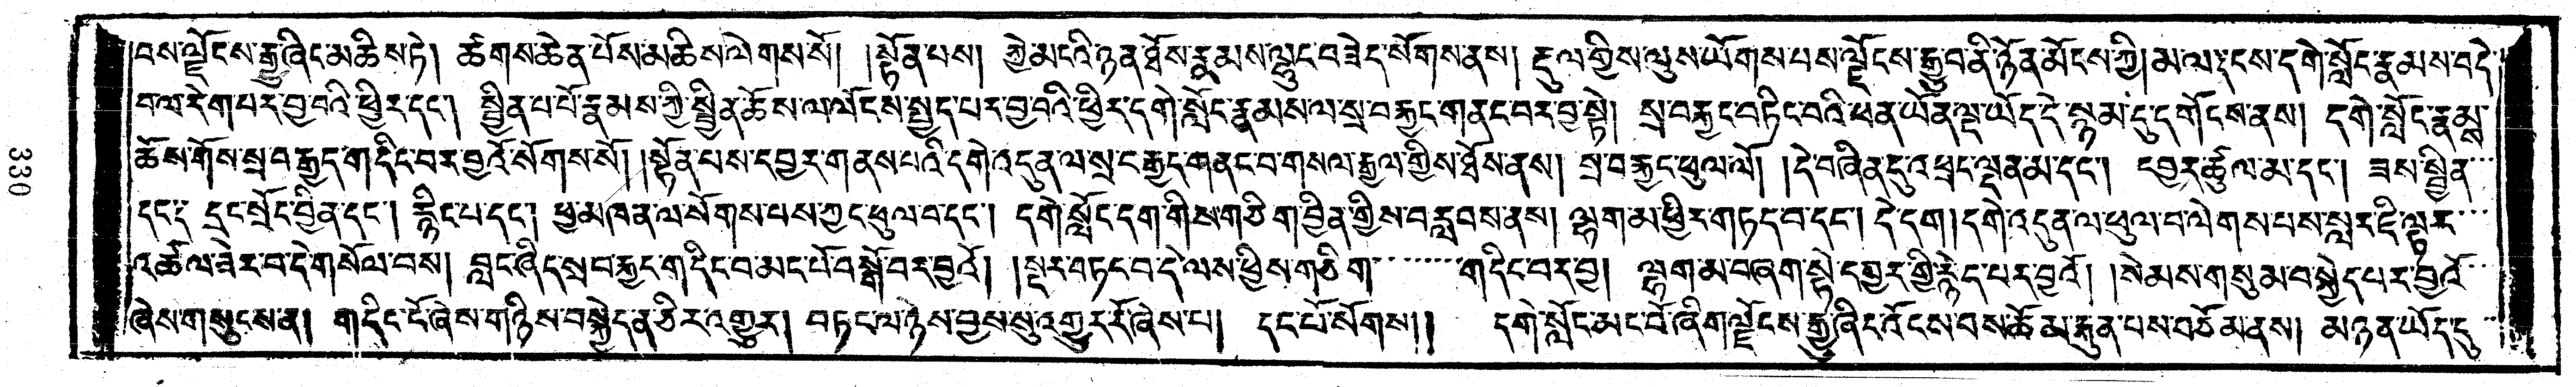བས་ལྗོངས་རྒྱུ་ཞིང་མཆིས་ཏེ། ཚགས་ཆེན་པོས་མཆིས་ལེགས་སོ། །སྟོན་པས། ཀྱེ་མངའི་ཉན་ཐོས་རྣམས་ལྷུང་བཟེད་སོགས་ནས། རྡུལ་གྱིས་ལུས་ཡོགས་པས་ལྗོངས་རྒྱུ་བ་ནི་ཉོན་མོངས་ཀྱི། མ་ལ༑ ངས་དགེ་སློང་རྣམས་བདེ་
བ་ལ་རེག་པར་བྱ་བའི་ཕྱིར་དང་། སྦྱིན་པ་པོ་རྣམས་ཀྱི་སྦྱིན་ཆོས་ལ་ལོངས་སྤྱད་པར་བྱ་བའི་ཕྱིར་དགེ་སློང་རྣམས་ལ་སྲ་བརྐྱང་གནང་བར་བྱ་སྟེ། སྲ་བརྐྱང་བཏིང་བའི་ཕན་ཡོན་ལྔ་ཡོད་དེ་སྙམ་དུ་དགོངས་ནས། དགེ་སློང་རྣམས་
ཆོས་གོས་སྲ་བརྒྱད་གདིང་བར་བྱའོ་སོགས་སོ། །སྟོན་པས་དབྱར་གནས་པའི་དགེ་འདུན་ལ་སྲ་བརྒྱད་གནང་བ་གསལ་རྒྱལ་གྱིས་ཐོས་ནས། སྲ་བརྐྱང་ཕུལ་ལོ། །དེ་བཞིན་དུ་འཕྲང་ལྡན་མ་དང་། དབྱར་ཚུལ་མ་དང་། ཟས་སྦྱིན་
དང༑ དྲང་སྲོང་བྱེན་དང་། རྙིང་པ་དང་། ཕྱ་མཁན་ལ་སོགས་པས་ཀྱང་ཕུལ་བ་དང་། དགེ་སློང་དག་གིས་གཅིག་བྱིན་གྱིས་བརླབས་ནས། ལྷག་མ་ཕྱིར་གཏད་བ་དང་། དེ་དག །དགེ་འདུན་ལ་ཕུལ་བ་ལེགས་པས་སླར་ཇི་ལྟར་
འཚལ་ཟེར་བ་དེ་གསོལ་བས། བླང་ཞིད་སྲབ་རྐྱང་གདིང་བ་མང་པོ་བསྒོ་བར་བྱའོ། །སྔར་བཏང་བ་དེ་ལས་ཕྱིས་གཅིག་གདིང་བར་བྱ། ལྷག་མ་བཞག་སྟེ་དབྱར་གྱི་རྙེད་པར་བྱའོ། །སེམས་གསུམ་བསྐྱེད་པར་བྱའོ་
ཞེས་གསུངས་ན། གདིང་ངོ་ཞེས་གཉིས་བསྐྱེད་ན་ཅིར་འགྱུར། བཏང་ལ་ཉེས་བྱས་སུ་འགྱུར་རོ་ཞེས་པ། དང་པོ་སོགས།། དགེ་སློང་མང་པོ་ཞིག་ལྗོངས་རྒྱུ་ཞིང་འོངས་པས་ཆོམ་རྐུན་པས་བཅོམ་ནས། མཉན་ཡོད་དོ་